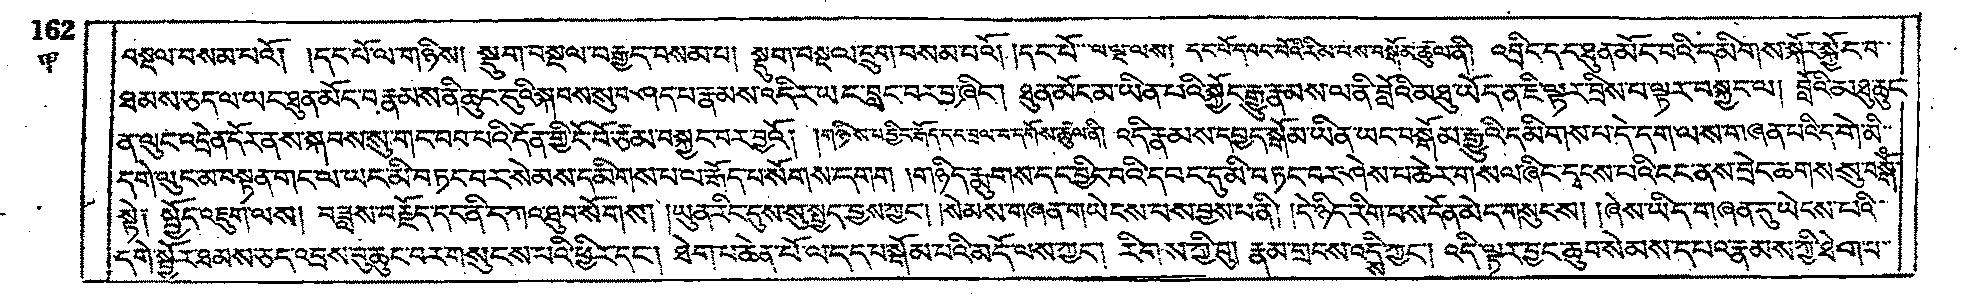བསྔལ་བསམ་པའོ། །དང་པོ་ལ་གཉིས། སྡུག་བསྔལ་བརྒྱད་བསམ་པ། སྡུག་བསྔལ་དྲུག་བསམ་པའོ། །དང་པོ་ལ་ལྔ་ལས། དང་པོ་དབང་པོའི་རིམ་པས་བསྒོམ་ཚུལ་ནི།  འབྲིང་དང་ཐུན་མོང་བའི་དམིགས་སྐོར་སྐྱོང་བ་
ཐམས་ཅད་ལ་ཡང་ཐུན་མོང་བ་རྣམས་ནི་ཆུང་དུའི་སྐབས་སུ་བཤད་པ་རྣམས་འདིར་ཡང་བླང་བར་བྱ་ཞིང་། ཐུན་མོང་མ་ཡིན་པའི་སྐྱོང་རྒྱུ་རྣམས་ལ་ནི་བློའི་མཐུ་ཡོད་ན་ཇི་ལྟར་བྲིས་པ་ལྟར་བསྐྱང་ལ། བློའི་མཐུ་ཆུང་
ན་ལུང་འདྲེན་དོར་ནས་སྐབས་སུ་གང་བབ་པའི་དོན་གྱི་ངོ་བོ་ཙམ་བསྐྱང་བར་བྱའོ། །གཉིས་པ་བྱིང་རྒོད་དང་བྲལ་བ་དགོས་ཚུལ་ནི། །འདི་རྣམས་དཔྱད་སྒོམ་ཡིན་ཡང་བསྒོམ་རྒྱུའི་དམིགས་པ་དེ་དག་ལས་གཞན་པའི་དགེ་མི་
དགེ་ལུང་མ་བསྟན་གང་ལ་ཡང་མི་བཏང་བར་སེམས་དམིགས་པ་ལ་རྒོད་པ་སོགས་དགག །གཉིས་རྨུགས་དང་བྱིང་བའི་དབང་དུ་མི་བཏང་བར་ཤེས་པ་ཆེར་གསལ་ཞིང་དྭངས་པའི་ངང་ནས་བྲེང་ཆགས་སུ་བསྒོཾ་
སྟེ༑ སྤྱོད་འཇུག་ལས། བཟླས་བརྗོད་དང་ནི་དཀའ་ཐུབ་སོགས། །ཡུན་རིང་དུས་སུ་སྤྱད་བྱས་ཀྱང་། །སེམས་གཞན་གཡེངས་པས་བྱས་པ་ནི། །དེ་ཉིད་རིག་པས་དོན་མེད་གསུངས། །ཞེས་ཡིད་གཞན་དུ་ཡེངས་པའི་
དགེ་སྦྱོར་ཐམས་ཅད་འབྲས་བུ་ཆུང་བར་གསུངས་པའི་ཕྱིར་དང་། ཐེག་པ་ཆེན་པོ་ལ་དད་པ་སྒོམ་པའི་མདོ་ལས་ཀྱང་། རིགས་ཀྱི་བུ། རྣམ་གྲངས་འདིས་ཀྱང་། འདི་ལྟར་བྱང་ཆུབ་སེམས་དཔའ་རྣམས་ཀྱི་ཐེག་པ་